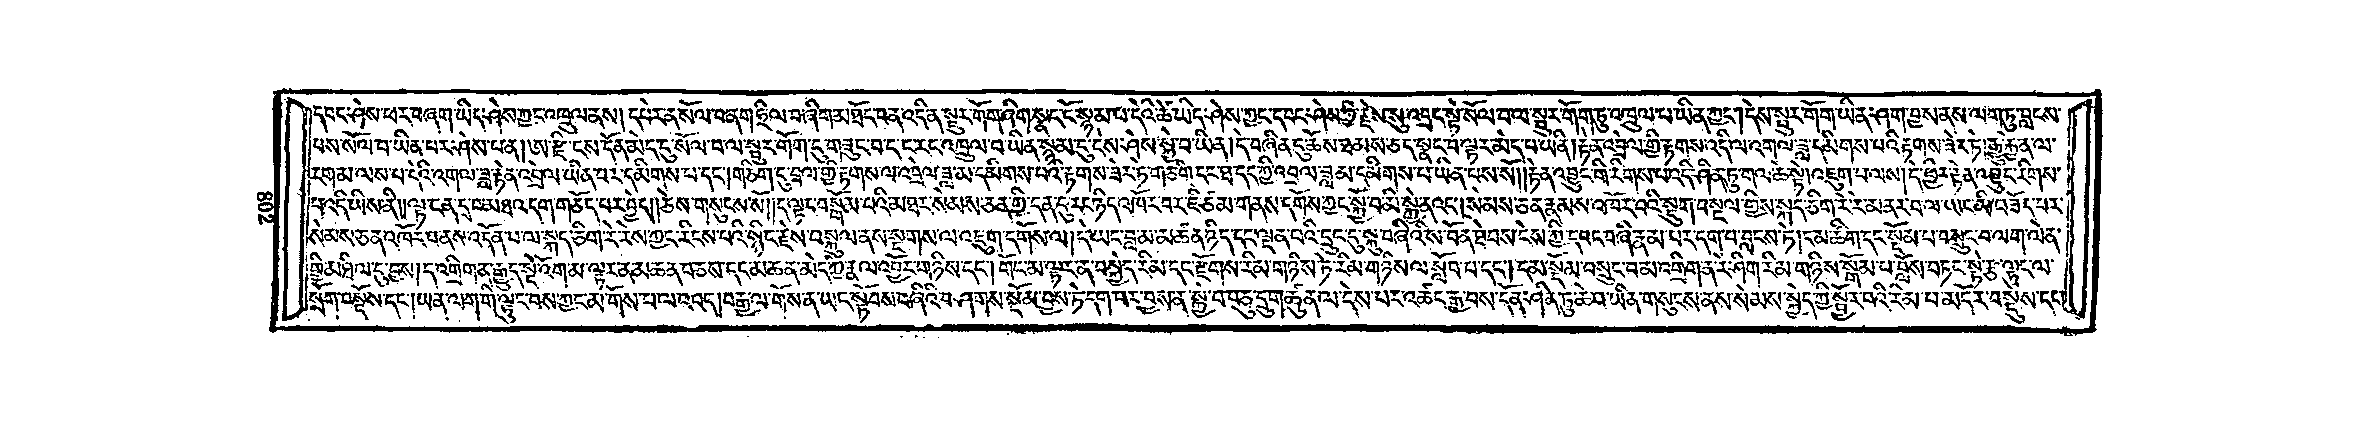དབང་ཤེས་ཕར་བཞག་ཡིད་ཤེས་ཀྱང་འཁྲུལ་ནས། དཔེར་ན་སོལ་བ་ནག་ཧྲིལ་བ་ཞིག་མཐོང་བ་ན་འདི་ན་སྦུར་གོག་ཞིག་སྣང་ངོ་སྙམ་པ་དེའི་ཚེ་ཡིད་ཤེས་ཀྱང་དབང་ཤེས་ཀྱི་རྗེས་སུ་འབྲང་སྟེ་སོལ་བ་ལ་སྦུར་གོག་ཏུ་འཁྲུལ་པ་ཡིན་ཀྱང་། དེས་སྤུར་གོག་ཡིན་ཤག་བྱས་ནས་ལག་ཏུ་བླངས་
པས་སོལ་བ་ཡིན་པར་ཤེས་པ་ན། ཨ་རྫི་ངས་དོན་མེད་དུ་སོལ་བ་ལ་སྦུར་གོག་དུ་གཟུང་བ་དང་ང་རང་འཁྲུལ་བ་ཡིན་སྙམ་དུ་ངེས་ཤེས་སྐྱེ་བ་ཡིན། དེ་བཞིན་དུ་ཆོས་ཐམས་ཅད་སྣང་བ་ལྟར་མེད་པ་ཡིན། རྟེན་འབྲེལ་གྱི་རྟགས་འདི་ལ་འགལ་ཟླ་དམིགས་པའི་རྟགས་ཟེར་ཏེ། རྒྱུ་རྐྱེན་ལ་
རག་མ་ལས་པ་དེའི་འགལ་ཟླ་རྟེན་འབྲེལ་ཡིན་པར་དམིགས་པ་དང་། གཅིག་དུ་བྲལ་གྱི་རྟགས་ལ་འབྲེལ་ཟླ་མ་དམིགས་པའི་རྟགས་ཟེར་ཏེ་གཅིག་དང་ཐ་དད་ཀྱི་འབྲལ་ཟླ་མ་དམིགས་པ་ཡིན་པས་སོ། །རྟེན་འབྱུང་གི་རིགས་པ་འདི་ཤིན་ཏུ་གལ་ཆེ་སྟེ། འཇུག་པ་ལས། དེ་ཕྱིར་རྟེན་འབྱུང་རིགས་
པ་འདི་ཡིས་ནི། །ལྟ་ངན་དྲ་བ་མཐའ་དག་གཅོད་པར་བྱེད། །ཅེས་གསུངས་སོ། །ད་ལྟར་བསྒོམ་པའི་མཐར་སེམས་ཅན་གྱི་དན་དུ་རང་ཉིད་འཁོར་བར་ཇི་ཙམ་གནས་དགོས་ཀྱང་སྐྱོ་བ་མི་སྐྱེ་ནའང་། སེམས་ཅན་རྣམས་འཁོར་བའི་སྡུག་བསྔལ་གྱིས་སྐད་ཅིག་རེ་རེ་མནར་བ་ལ་ཡང་མི་བཟོད་པར་
སེམས་ཅན་འཁོར་བ་ནས་འདོན་པ་ལ་སྐད་ཅིག་རེ་རེས་ཀྱང་རིངས་པའི་སྙིང་རྗེས་བསྐུལ་ནས་སྔགས་ལ་འཇུག་དགོས་ལ། དེ་ཡང་བླ་མ་མཚན་ཉིད་དང་ལྡན་པའི་དྲུང་དུ་སྐུ་བཞིའི་ས་བོན་ཐེབས་ངེས་ཀྱི་དབང་བཞི་རྣམ་པར་དག་པ་བླངས་ཏེ། དམ་ཚིག་དང་སྡོམ་པ་བསྲུང་བ་ལག་ལེན་
གྱི་མཐིལ་དུ་བྱས། ད་འགྲིག་ན་རྒྱུད་སྡེ་འོག་མ་ལྟར་ན་མཆན་བཅས་དང་མཆན་མེད་ཀྱི་རྣལ་འབྱོར་གཉིས་དང་། གོང་མ་ལྟར་ན་བསྐྱེད་རིམ་དང་རྫོགས་རིམ་གཉིས་ཏེ་རིམ་གཉིས་ལ་སློབ་པ་དང་། དམ་སྡོམ་བསྲུང་བ་མ་འགྲིག་ན་རེ་ཤིག་རིམ་གཉིས་སྒོམ་པ་བློས་བཏང་སྟེ་རྩ་ལྟུང་ལ་
སྲོག་བསྡོས་དང་། ཡན་ལག་གི་ལྟུང་བས་ཀྱང་མ་གོས་པ་ལ་འབད། བརྒྱ་ལ་གོས་ན་ཡང་སྟོབས་བཞིའི་བཤགས་སྡོམ་བྱས་ཏེ་དག་པར་བྱས་ན་སྐྱེ་བ་བཅུ་དྲུག་ཚུན་ལ་དེས་པར་འཚང་རྒྱ་བས་དོན་ཤིན་ཏུ་ཆེ་བ་ཡིན་གསུངས་ནས་སེམས་སྐྱེད་ཀྱི་སྦྱོར་བའི་རིམ་པ་མདོར་བསྡུས་དང་